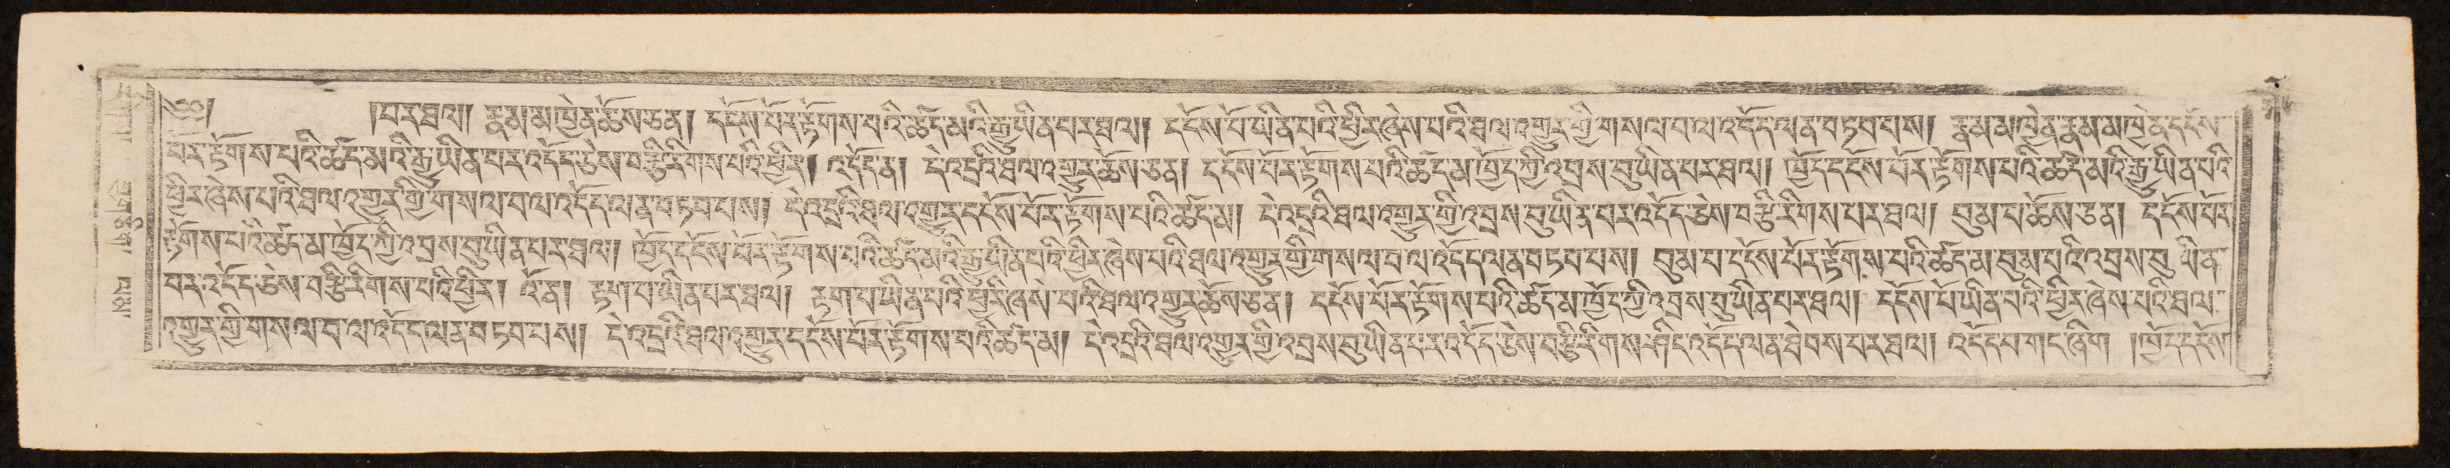༄༅། །པར་ཐལ། རྣམ་མཁྱེན་ཆོས་ཅན། དངོས་པོར་རྟོགས་པའི་ཚད་མའི་རྒྱུ་ཡིན་པར་ཐལ། དངོས་པོ་ཡིན་པའི་ཕྱིར་ཞེས་པའི་ཐལ་འགྱུར་གྱི་གསལ་བ་ལ་འདོད་ལན་བཏབ་པས། རྣམ་མཁྱེན་རྣམ་མཁྱེན་དངོས་
པོར་རྟོགས་པའི་ཚད་མའི་རྒྱུ་ཡིན་པར་འདོད་ཅེས་བརྩི་རིགས་པའི་ཕྱིར། འདོད་ན། དེ་འདྲའི་ཐལ་འགྱུར་ཆོས་ཅན། དངོས་པོར་རྟོགས་པའི་ཚད་མ་ཁྱོད་ཀྱི་འབྲས་བུ་ཡིན་པར་ཐལ། ཁྱོད་དངོས་པོར་རྟོགས་པའི་ཚད་མའི་རྒྱུ་ཡིན་པའི་
ཕྱིར་ཞེས་པའི་ཐལ་འགྱུར་གྱི་གསལ་བ་ལ་འདོད་ལན་བཏབ་པས། དེ་འདྲའི་ཐལ་འགྱུར་དངོས་པོར་རྟོགས་པའི་ཚད་མ། དེ་འདྲའི་ཐལ་འགྱུར་གྱི་འབྲས་བུ་ཡིན་པར་འདོད་ཅེས་བརྩི་རིགས་པར་ཐལ། བུམ་པ་ཆོས་ཅན། དངོས་པོར་
རྟོགས་པའི་ཚད་མ་ཁྱོད་ཀྱི་འབྲས་བུ་ཡིན་པར་ཐལ། ཁྱོད་དངོས་པོར་རྟོགས་པའི་ཚད་མའི་རྒྱུ་ཡིན་པའི་ཕྱིར་ཞེས་པའི་ཐལ་འགྱུར་གྱི་གསལ་བ་ལ་འདོད་ལན་བཏབ་པས། བུམ་པ་དངོས་པོར་རྟོགས་པའི་ཚད་མ་བུམ་པའི་འབྲས་བུ་ཡིན་
པར་འདོད་ཅེས་བརྩི་རིགས་པའི་ཕྱིར། འོ་ན། རྟག་པ་ཡིན་པར་ཐལ། རྟག་པ་ཡིན་པའི་ཕྱིར་ཞེས་པའི་ཐལ་འགྱུར་ཆོས་ཅན། དངོས་པོར་རྟོགས་པའི་ཚད་མ་ཁྱོད་ཀྱི་འབྲས་བུ་ཡིན་པར་ཐལ། དངོས་པོ་ཡིན་པའི་ཕྱིར་ཞེས་པའི་ཐལ་
འགྱུར་གྱི་གསལ་བ་ལ་འདོད་ལན་བཏབ་པས། དེ་འདྲའི་ཐལ་འགྱུར་དངོས་པོར་རྟོགས་པའི་ཚད་མ། དེ་འདྲའི་ཐལ་འགྱུར་གྱི་འབྲས་བུ་ཡིན་པར་འདོད་ཅེས་བརྩི་རིགས་ཤིང་འདོད་ལན་ཐེབས་པར་ཐལ། འདོད་པ་གང་ཞིག །ཁྱོད་དངོས་